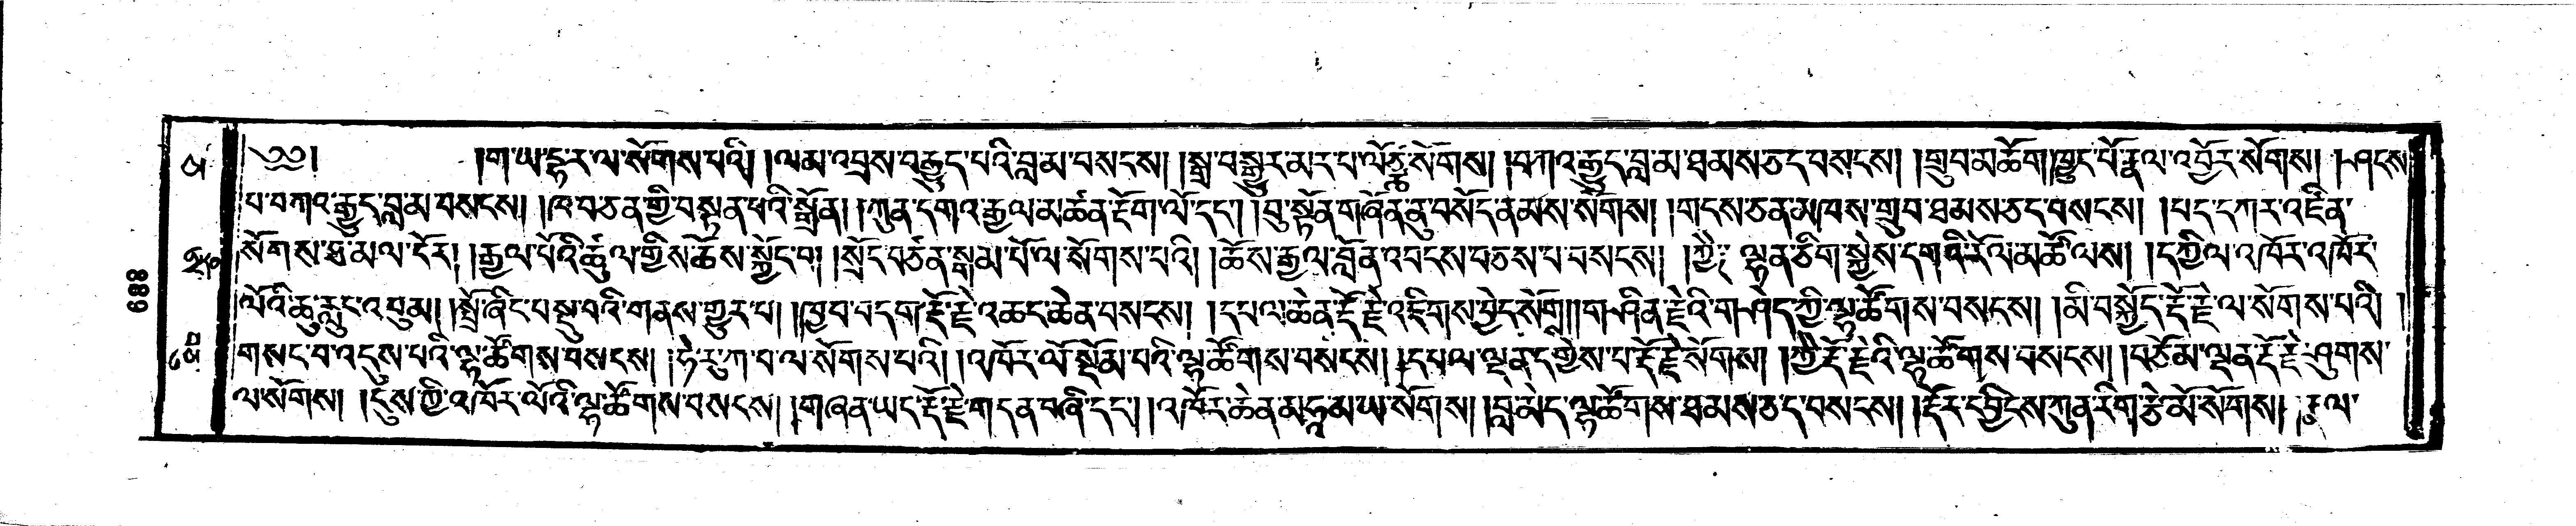༄༅། །ག་ཡ་དྷ་ར་ལ་སོགས་པའི། །ལམ་འབྲས་བརྒྱུད་པའི་བླ་མ་བསངས། །སྒྲ་བསྒྱུར་མར་པ་ལོཙྪ་སོགས། །བཀའ་རྒྱུད་བླ་མ་ཐམས་ཅད་བསངས། །གྲུབ་མཆོག་ཁྱུང་པོ་རྣལ་འབྱོར་སོགས། །ཤངས་
པ་བཀའ་རྒྱུད་བླ་མ་བསངས། །ཁ་བ་ཅན་གྱི་བསྟན་པའི་སྒྲོན། །ཀུན་དགའ་རྒྱལ་མཚན་རྔོག་ལོ་དང་། །བུ་སྟོན་གཞོན་ནུ་བསོད་ནམས་སོགས། །གངས་ཅན་མཁས་གྲུབ་ཐམས་ཅད་བསངས། །པད་དཀར་འཛིན་
སོགས་ཐ་མལ་ངོར། །རྒྱལ་པོའི་ཚུལ་གྱིས་ཆོས་སྐྱོང་བ། །སྲོང་བཙན་སྒམ་པོ་ལ་སོགས་པའི། །ཆོས་རྒྱལ་བློན་འབངས་བཅས་པ་བསངས། །ཀྱཻ། ལྷན་ཅིག་སྐྱེས་དགའི་རོལ་མཚོ་ལས། །དཀྱིལ་འཁོར་འཁོར་
ལོའི་ཆུ་རླུང་འབུམ། །སྤྲོ་ཞིང་བསྡུ་བའི་གནས་གྱུར་པ། །ཁྱབ་བདག་རྡོ་རྗེ་འཆང་ཆེན་བསངས། །དཔལ་ཆེན་རྡོ་རྗེ་འཇིགས་བྱེད་སོགས། །གཤིན་རྗེའི་གཤེད་ཀྱི་ལྷ་ཚོགས་བསངས། །མི་བསྐྱོད་རྡོ་རྗེ་ལ་སོགས་པའི། །
གསང་བ་འདུས་པའི་ལྷ་ཚོགས་བསངས། །ཧེ་རུ་ཀ་པ་ལ་སོགས་པའི། །འཁོར་ལོ་སྡོམ་པའི་ལྷ་ཚོགས་བསངས། །དཔལ་ལྡན་དགྱེས་པ་རྡོ་རྗེ་སོགས། །ཀྱཻ་རྡོ་རྗེའི་ལྷ་ཚོགས་བསངས། །བཅོམ་ལྡན་རྡོ་རྗེ་ཤུགས་
ལ་སོགས། །དུས་ཀྱི་འཁོར་ལོའི་ལྷ་ཚོགས་བསངས། །གཞན་ཡང་རྡོ་རྗེ་གདན་བཞི་དང་། །འཁོར་ཆེན་མཧཱ་མ་ཡ་སོགས། །བླ་མེད་ལྷ་ཚོགས་ཐམས་ཅད་བསངས། །རྡོར་དབྱིངས་ཀུན་རིག་རྩེ་མོ་སོགས། །རྣལ་